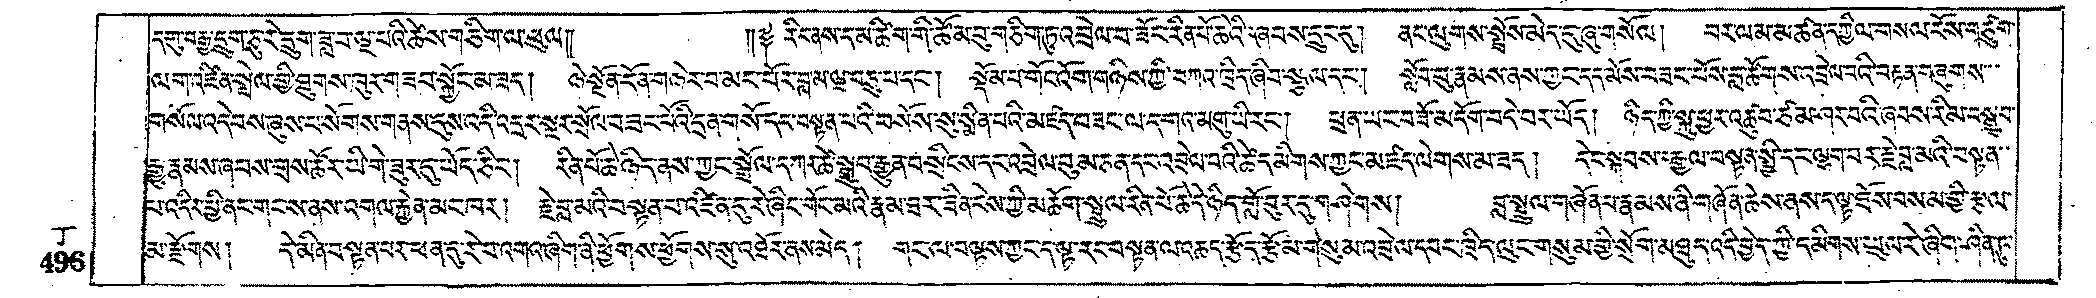དགུ་བརྒྱ་དྲུག་ཅུ་རེ་དྲུག་ཟླ་བ་ལྔ་པའི་ཚེས་གཅིག་ལ་ཕུལ།། །། འ་རིང་ནས་དམ་ཚིག་གི་ཚོམ་བུ་གཅིག་ཏུ་འབྲེལ་བ་ཟོང་རིན་པོ་ཆེའི ༧ཞབས་དྲུང་དུ། ནང་ལུགས་སྤྲོས་མེད་དུ་ཞུ་གསོལ། བར་ལམ་མཚན་དཀྱིལ་གསལ་ངོས་གཙུག་
ལག་འཛིན་སྤེལ་གྱི་ཐུགས་ཁུར་གཟབ་སྐྱོང་མ་ཟད། ཉེ་སྔོན་དོན་གཉེར་བ་མང་པོར་བླ་མ་ལྔ་བཅུ་པ་དང་། སྡོམ་པ་གོང་འོག་གཉིས་ཀྱི་བཀའ་ཁྲིད་ཞིབ་སྩལ་དང་། སློབ་བུ་རྣམས་ནས་ཀྱང་དད་མོས་བཟང་པོས་བླ་ཚོགས་འབྲེལ་བའི་བརྟན་བཞུགས་་་་གསོལ་འདེབས་ཞུས་པ་སོགས་གནས་དུས་འདི་འདྲར་སྔར་སྲོལ་བཟང་པོའི་དྲན་གསོ་དང་བསྟན་པའི་བསོས་སུ་སྨིན་པའི་མཛད་བཟང་ལ་དགའ་མགུ་ཡི་རང་། ཕྲན་ཡང་བཟོ་མདོག་བདེ་བར་ཡོད། ཉིད་ཀྱི་སྐུ་ཕྱར་འཚུབ་ཙམ་ཤར་བའི་ཞབས་རིམ་བསྒྲུབ་
རྒྱུ་རྣམས་ཞབས་གྲས་ཚོར་ཡི་གེ་ཟུར་དུ་ཡོད་ཅིང་། རིན་པོ་ཆེ་ཉིད་ནས་ཀྱང་སྒྲོལ་དཀར་ཚེ་སྒྲུབ་རྒྱུན་བསྲིངས་དང་འབྲེལ་བུམ་ཅན་དང་འབྲེལ་བའི་ཚེ་དམིགས་ཀྱང་མཛད་ལེགས་མ་ཟད། དེང་སྐབས ༧རྒྱལ་བསྟན་སྤྱི་དང་ལྷག་པར་རྗེ་བླ་མའི་བསྟན་་་
པ་འདིར་ཕྱི་ནང་གང་ས་ནས་འགལ་རྐྱེན་མང་ཁར། རྗེ་བླ་མའི་བསྟན་པ་འཛིན་དུ་རེ་ཞིང་གོང་མའི་རྣམ་ཐར་ཟིན་ངེས་ཀྱི་མཆོག་སྤྲུལ་རིན་པོ་ཆེ་དེ་ཉིད་གློ་བུར་དུ་གཤེགས། བླ་སྤྲུལ་གཞོན་པ་རྣམས་ནི་གཞོན་ཆེས་ནས་ད་ལྟ་ཐོས་བསམ་གྱི་རྩལ་
མ་རྫོགས། དེ་མིན་བསྟན་པར་ཕན་དུ་རེ་བ་འགའ་ཞིག་ནི་ཕྱོགས་ཕྱོགས་སུ་འཐོར་ནས་མེད། གང་ལ་བལྟས་ཀྱང་ད་ལྟ་རང་བསྟན་ལ་འཆད་རྩོད་རྩོམ་གསུམ་འབྲེལ་དབང་ཁྲིད་ལུང་གསུམ་གྱི་སྲོག་མཐུད་འདི་བྱེད་ཀྱི་དམིགས་ཡུལ་རེ་ཞིག་ཤིན་ཏུ་